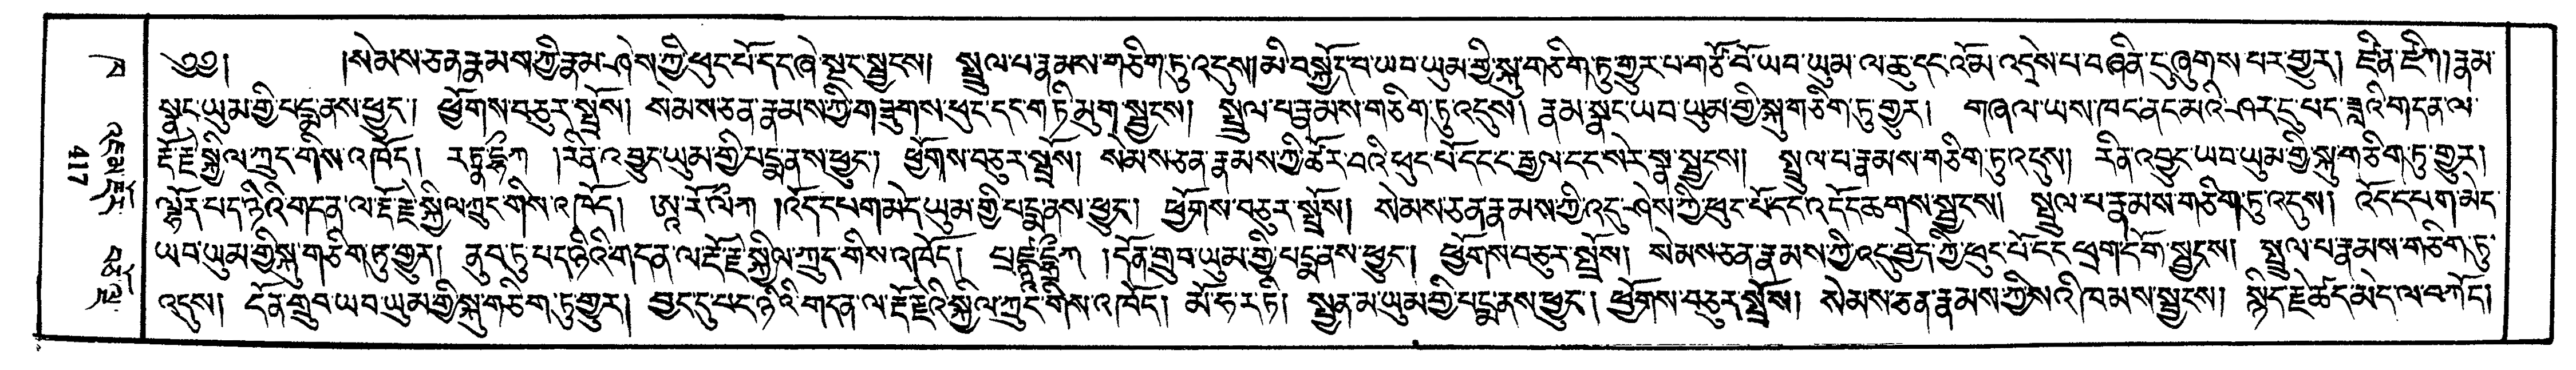༄༅། །སེམས་ཅན་རྣམས་ཀྱི་རྣམ་ཤེས་ཀྱི་ཕུང་པོ་དང་ཞེ་སྡང་སྦྱངས། སྤྲུལ་པ་རྣམས་གཅིག་ཏུ་འདུས་།མི་བསྐྱོད་པ་ཡབ་ཡུམ་གྱི་སྐུ་གཅིག་ཏུ་གྱུར་པ་གཙོ་བོ་ཡབ་ཡུམ་ལ་ཆུ་དང་འོ་མ་འདྲེས་པ་བཞིན་དུ་ཞུགས་པར་གྱུར། ཛི་ན་ཛི་ཀ། རྣམ་
སྣང་ཡུམ་གྱི་པདམ་ནས་ཕྱུང་། ཕྱོགས་བཅུར་སྤྲོས། སེམས་ཅན་རྣམས་ཀྱི་གཟུགས་ཕུང་དང་གཏི་མུག་སྦྱངས། སྤྲུལ་པ་རྣམས་གཅིག་ཏུ་འདུས། རྣམ་སྣང་ཡབ་ཡུམ་གྱི་སྐུ་གཅིག་ཏུ་གྱུར། གཞལ་ཡས་ཁང་ནང་མའི་ཤར་དུ་པད་ཟླའི་གདན་ལ་
རྡོ་རྗེ་སྐྱིལ་ཀྲུང་གིས་འཁོད། རཏྣ་དྷྲྀཀ །རིན་འབྱུང་ཡུམ་གྱི་པདམ་ནས་ཕྱུང་། ཕྱོགས་བཅུར་སྤྲོས། སེམས་ཅན་རྣམས་ཀྱི་ཚོར་བའི་ཕུང་པོ་དང་ང་རྒྱལ་དང་སེར་སྣ་སྦྱངས། སྤྲུལ་པ་རྣམས་གཅིག་ཏུ་འདུས། རིན་འབྱུང་ཡབ་ཡུམ་གྱི་སྐུ་གཅིག་ཏུ་གྱུར།
ལྷོར་པད་ཉིའི་གདན་ལ་རྡོ་རྗེ་སྐྱིལ་ཀྲུང་གིས་འཁོད། ཨཱ་རོ་ལྀ་ཀ། །འོད་དཔག་མེད་ཡུམ་གྱི་པདམ་ནས་ཕྱུང་། ཕྱོགས་བཅུར་སྤྲོས། སེམས་ཅན་རྣམས་ཀྱི་འདུ་ཤེས་ཀྱི་ཕུང་པོ་དང་འདོད་ཆགས་སྦྱངས། སྤྲུལ་པ་རྣམས་གཅིག་ཏུ་འདུས། འོད་དཔག་མེད་
ཡབ་ཡུམ་གྱི་སྐུ་གཅིག་ཏུ་གྱུར། ནུབ་ཏུ་པད་ཉིའི་གདན་ལ་རྡོ་རྗེ་སྐྱིལ་ཀྲུང་གིས་འཁོད། པྲཛྙཱ་དྷྲྀ་ཀ །དོན་གྲུབ་ཡུམ་གྱི་པདམ་ནས་ཕྱུང་། ཕྱོགས་བཅུར་སྤྲོས། སེམས་ཅན་རྣམས་ཀྱི་འདུ་བྱེད་ཀྱི་ཕུང་པོ་དང་ཕྲག་དོག་སྦྱངས། སྤྲུལ་པ་རྣམས་གཅིག་ཏུ་
འདུས། དོན་གྲུབ་ཡབ་ཡུམ་གྱི་སྐུ་གཅིག་ཏུ་གྱུར། བྱང་དུ་པད་ཉིའི་གདན་ལ་རྡོ་རྗེའི་སྐྱིལ་ཀྲུང་གིས་འཁོད། མོ་ཧ་ར་ཏི། སྤྱན་མ་ཡུམ་གྱི་པདམ་ནས་ཕྱུང་། ཕྱོགས་བཅུར་སྤྲོས། སེམས་ཅན་རྣམས་ཀྱི་སའི་ཁམས་སྦྱངས། སྙིང་རྗེ་ཚད་མེད་ལ་བཀོད།